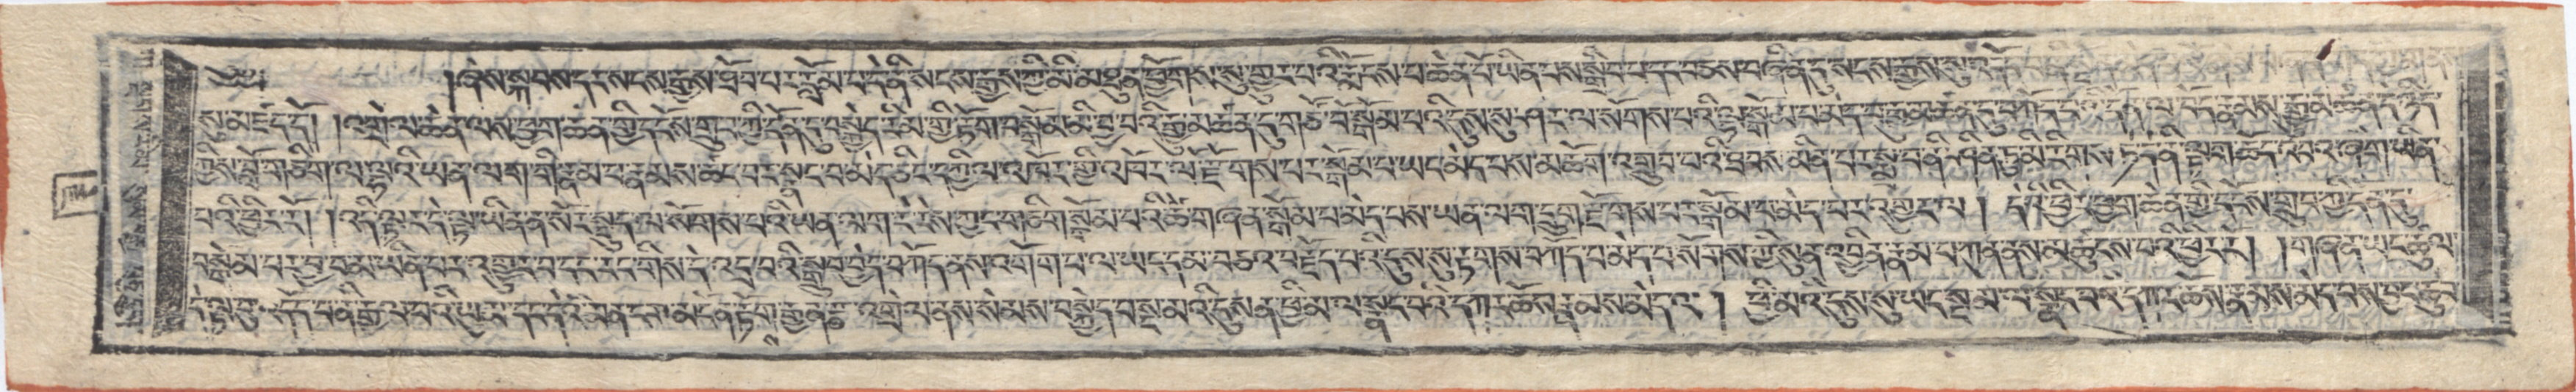༄༅། །ཞེས་སྐབས་དར་སངས་རྒྱས་ཐོབ་པར་རློམ་པ་དེ་ནི་སངས་རྒྱས་ཀྱི་མི་མཐུན་ཕྱོགས་སུ་གྱུར་པའི་རྨོངས་པ་ཆེན་པོ་ཡིན་པས་སྒྲིབ་པ་དང་བཅས་བཞིན་དུ་སངས་རྒྱས་སུ་འདོད་པ་ནི་སྔོན་མེད་པའོ་ཞེས་བཞད་གད་ཀྱི་གནས་
སུ་མཛད་དོ། །འགྲེལ་ཆེན་ལས་ཕྱག་ཆེན་གྱི་དངོས་གྲུབ་ཀྱི་དོན་དུ་བསྐྱེད་རིམ་གྱི་རྟོག་བསྒོམ་མི་བྱ་བའི་རྒྱུ་མཚན་དུ་གཙོ་བོ་སྒོམ་པའི་དུས་སུ་ཤར་ལ་སོགས་པའི་ལྷ་སྒོམ་པ་མེད་པ་རྒྱུ་མཚན་དུ་བཀོད་པའི་དོན་ལ་བོད་རྣམས་རྒྱུ་མཚན་དེ་ཉིད་
ཀྱིས་བློ་གཅིག་ལ་ལྷའི་ཡན་ལག་གི་རྣམ་པ་རྣམས་ཚང་བར་སྣང་བ་མེད་ཅིང་དཀྱིལ་འཁོར་གྱི་འཁོར་ལོ་རྫོགས་པར་སྒོམ་པ་ཡང་མེད་པས་མཆོག་འགྲུབ་པའི་ཐབས་མིན་པར་སྨྲ་བ་ནི་ཤིན་ཏུ་མི་རིགས་ཏེ་དེ་ནི་ལྟག་ཆོད་འབའ་ཞིག་ཡིན་
པའི་ཕྱིར་རོ། །འདི་ལྟར་དེ་ལྟ་ཡིན་ན་སོར་སྡུད་ལ་སོགས་པའི་ཡན་ལག་རེ་རེས་ཀྱང་གཅིག་སྒོམ་པའི་ཚེ་གཞན་སྒོམ་པ་མེད་པས་ཡན་ལག་དྲུག་རྫོགས་པར་སྒོམ་པ་མེད་པར་འགྱུར་ལ། དེའི་ཕྱིར་ཕྱག་ཆེན་གྱི་དངོས་གྲུབ་ཀྱི་དོན་དུ་
བསྒོམ་པར་བྱ་བ་མ་ཡིན་པར་འགྱུར་བ་དང་རང་གིས་དེ་འདྲ་བའི་སྒྲུབ་བྱེད་བཀོད་ནས་འགོག་པ་ལ་ཡང་དམ་བཅའ་བརྗོད་པའི་དུས་སུ་རྟགས་བཀོད་པ་མེད་པ་སོགས་ཀྱི་སུན་འབྱིན་རྣམ་པ་ཀུན་ནས་མཚུངས་པའི་ཕྱིར་རོ། །གཞན་ཡང་ཚུལ་
དེ་ལྟ་བུ་འདོད་པ་ནི་རྒྱལ་བའི་ཡུམ་དང་དེའི་མན་ངག་མངོན་རྟོགས་རྒྱན་རྩ་འགྲེལ་ནས་སེམས་བསྐྱེད་པ་སྔ་མའི་དུས་ན་ཕྱི་མ་ལ་སྣང་བའི་དཀར་ཆོས་རྣམས་མེད་ལ། ཕྱི་མའི་དུས་སུ་ཡང་སྔ་མ་ལ་སྣང་བའི་དཀར་ཆོས་རྣམས་མེད་པས་བྱང་ཆུབ་